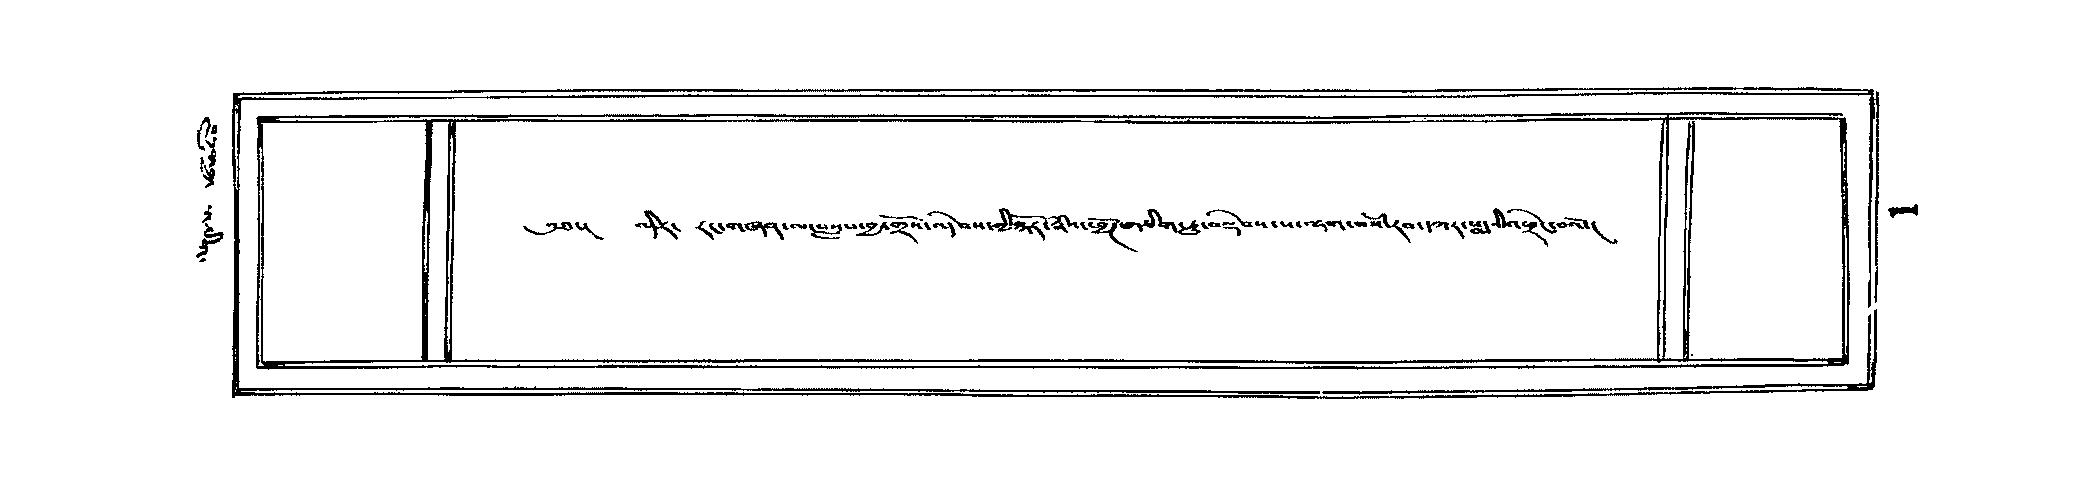༄༅། འདིར་རང་གཞན་ལ་བསླབ་བྱ་གྲོས་འདེབས་ཀྱི་སྐོར་རྣམས་ཕྱོགས་གཅིག་ཏུ་བསྡེབས་པ་ལྷག་བསམ་རབ་དཀར་པདྨའི་འཕྲེང་བའོ།།